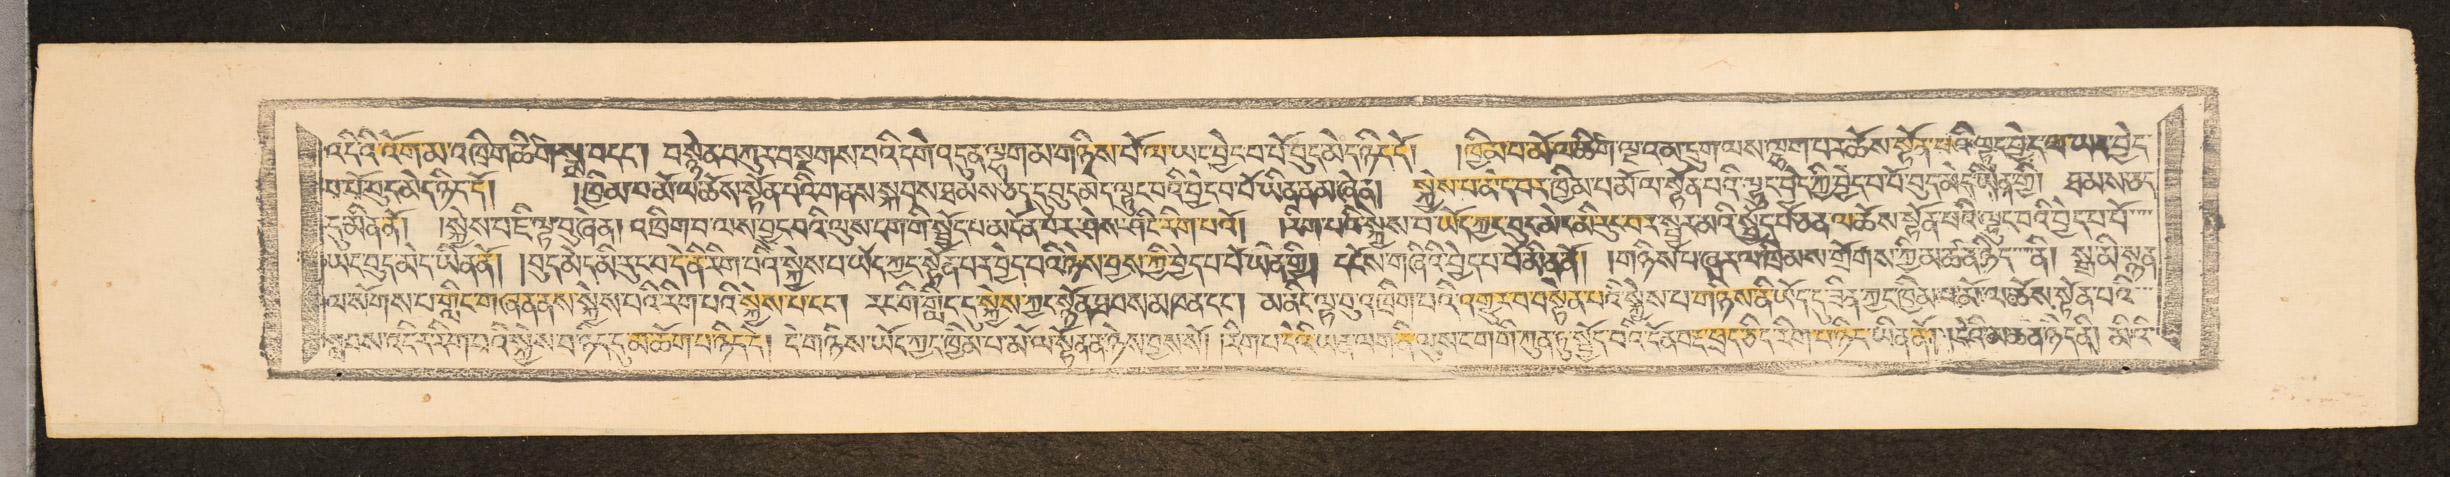འདིའི་འོག་མ་འཁྲིག་ཚིག་སྨྲ་བ་དང་། བསྙེན་བཀུར་བསྔགས་པའི་དགེ་འདུན་ལྷག་མ་གཉིས་པོ་ལ་ཡང་བྱེད་པ་པོ་བུད་མེད་ཉིད་དོ། །ཁྱིམ་པ་མོ་ལ་ཚིག་ལྔ་འམ་དྲུག་ལས་ལྷག་པར་ཆོས་སྟོན་པའི་ལྟུང་བྱེད་ལ་ཡང་བྱེད་
བ་པོ་བུད་མེད་ཉིད་དོ། །ཁྱིམ་པ་མོ་ལ་ཆོས་སྟོན་པའི་གནས་སྐབས་ཐམས་ཅད་དུ་བུད་མེད་ལྟུང་བའི་བྱེད་པ་པོ་ཡིན་ནམ་ཞེ་ན། སྐྱེས་པ་མེད་པར་ཁྱིམ་པ་མོ་ལ་སྟོན་པའི་ལྟུང་བྱེད་ཀྱི་བྱེད་པ་པོ་བུད་མེད་ཡིན་གྱི། ཐམས་ཅད་
དུ་མིན་ནོ། །སྐྱེས་པ་ཇི་ལྟ་བུ་ཞེ་ན། འཁྲིག་པ་ལས་བྱུང་བའི་ལུས་ངག་གི་སྤྱོད་པ་མངོན་པར་ཤེས་ཤིང་རིག་པའོ། །རིག་པའི་སྐྱེས་པ་ཡོད་ཀྱང་བུད་མེད་མི་རུང་བར་སྤྱར་མའི་སྤྱོད་པ་ཅན་ལ་ཆོས་སྟོན་པའི་ལྟུང་བའི་བྱེད་པ་པོ་
ཡང་བུད་མེད་ཡིན་ནོ། །བུད་མེད་མི་རུང་བ་དེ་ནི་རིག་པའི་སྐྱེས་པ་ཡོད་ཀྱང་སྟོན་པར་བྱེད་པའི་ཉེས་བྱས་ཀྱི་བྱེད་པ་པོ་ཡིན་གྱི། དངོས་གཞིའི་བྱེད་པ་པོ་མིན་ནོ། །གཉིས་པ་ཞར་ལ་ཁྲིམས་གྲོགས་ཀྱི་མཚན་ཉིད་ནི། སྒྲ་མི་སྙན་
ལ་སོགས་པ་གླིང་གཞན་ནས་སྐྱེས་པའི་རིག་པའི་སྐྱེས་པ་དང་། རང་གི་གླིང་དུ་སྐྱེས་ཀྱང་སྙོན་ཐབས་མཁན་དང་། མ་ནིང་ལྟ་བུ་འཁྲིག་པའི་འགྱུར་བ་བསྙེན་པའི་སྐྱེས་པ་གཉིས་ནི་ཡོད་དུ་ཟིན་ཀྱང་ཁྱིམ་པ་མོ་ལ་ཆོས་སྟོན་པའི་
སྐབས་འདིར་རིག་པའི་སྐྱེས་པ་ཉིད་དུ་མ་ཆོག་པ་ཉིད་དེ། དེ་གཉིས་ཡོད་ཀྱང་ཁྱིམ་པ་མོ་ལ་སྟོན་ན་ཉེས་བྱས་སོ། །རིག་པ་དེའི་ཡན་ལག་ནི་ལུས་ངག་གི་ཀུན་ཏུ་སྤྱོད་པའི་དོན་བརྡ་ཕྲད་ཅིང་རིག་པ་ཉིད་ཡིན་ནོ། །དེའི་མཚན་ཉིད་ནི། མིའི་